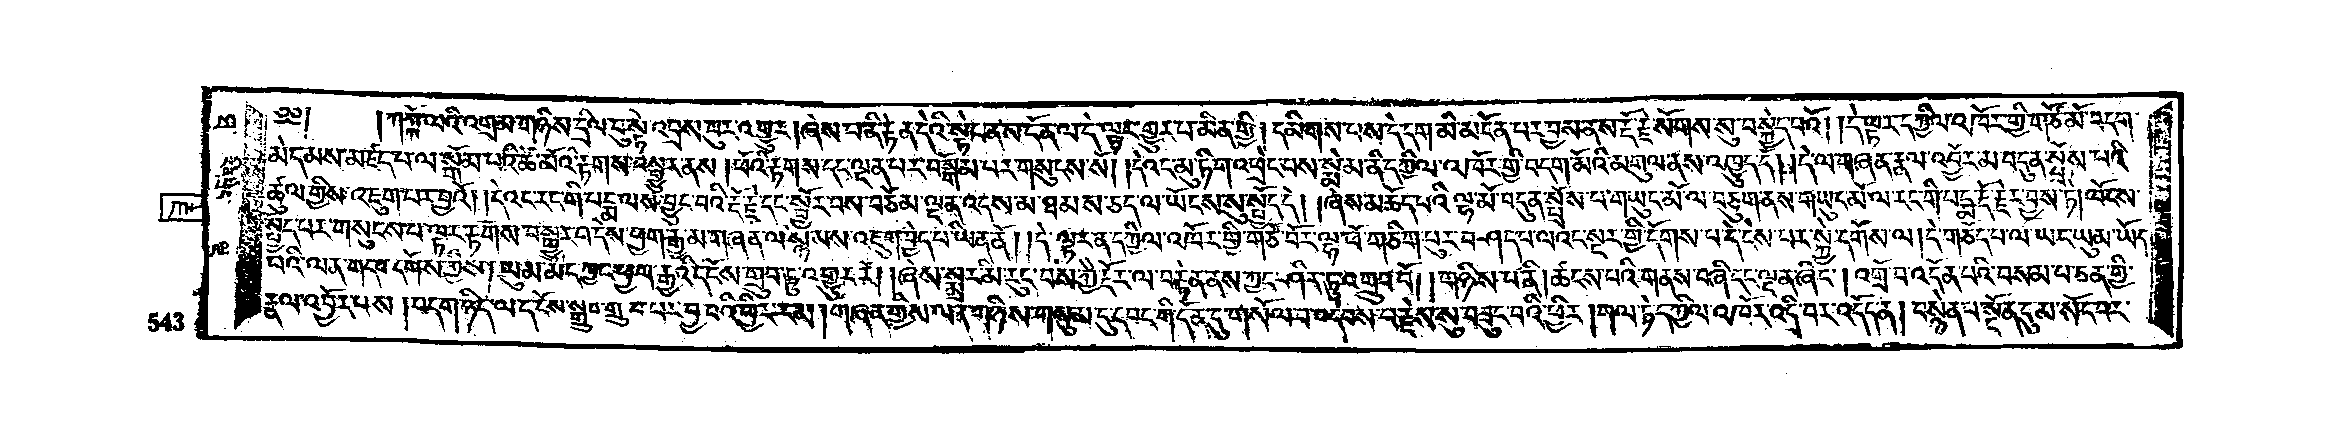༄༅། །ཀ་ཀྐོ་ལའི་འགྲམ་གཉིས་དྲིལ་བུ་སྟེ་འབྲས་བུར་འགྱུར། ཞེས་པ་ནི་རྟེན་དེའི་སྟེང་ནས་དོན་ལ་དེ་ལྟར་གྱུར་པ་མིན་གྱི། དམིགས་པས་དེ་དག་མི་མངོན་པར་བྱས་ནས་རྡོ་རྗེ་སོགས་སུ་བསྐྱེད་པའོ། །དེ་ལྟར་དཀྱིལ་འཁོར་གྱི་གཙོ་མོ་བདག་
མེད་མས་མཛད་པ་ལ་སྒོམ་པའི་ཚེ་མོའི་རྟགས་བསྒྱུར་ནས། ཕོའི་རྟགས་དང་ལྡན་པར་བསྒོམ་པར་གསུངས་སོ། །དེའང་མུ་ཏིག་འཕྲེང་བས་སྨེ་མ་ནི་དཀྱིལ་འཁོར་གྱི་བདག་མོའི་མགུལ་ནས་འཁྱུད་དོ། །དེ་ལ་གཞན་རྣལ་འབྱོར་མ་བདུན་སྤྲོས་པའི་
ཚུལ་གྱིས་འཇུག་པར་བྱའོ། །དེའང་རང་གི་པདམ་ལས་བྱུང་བའི་རྡོ་རྗེ་དང་སྦྱོར་བས་བཅོམ་ལྡན་འདས་མ་ཐམས་ཅད་ལ་ཡོངས་སུ་སྤྱོད་དོ། །ཞེས་མཆོད་པའི་ལྷ་མོ་བདུན་སྤྲོས་པ་གཡུང་མོ་ལ་བཅུག་ནས་གཡུང་མོ་ལ་རང་གི་པདམ་རྡོ་རྗེར་བྱས་ཏེ། ལོངས་
སྤྱོད་པར་གསུངས་པ་ལྟར་རྟོགས་བསྒྱུར་པ་དེས་ཕྱག་རྒྱ་མ་གཞན་ལ་སྙོམས་འཇུག་བྱེད་པ་ཡིན་ནོ། །དེ་ལྟར་ན་དཀྱིལ་འཁོར་གྱི་གཙོ་བོར་ལྷ་ཕོ་གཅིག་པུར་བཤད་པ་ལའང་སྔར་གྱི་དོགས་པ་དེ་ངེས་པར་སྐྱེ་དགོས་ལ། དེ་གཅོད་པ་ལ་ཡང་ཡུམ་ཡོད་
པའི་ལན་གདབ་དགོས་ཀྱིས། ཡུམ་མེད་ཀྱང་ཕྱག་རྒྱའི་དངོས་གྲུབ་ཏུ་འགྱུར་རོ། །ཞེས་སྨྲར་མི་རུང་བས་ཀྱཻ་རྡོར་ལ་བརྟེན་ནས་ཀྱང་ཤིན་ཏུ་འགྲུབ་བོ། །གཉིས་པ་ནི། ཚངས་པའི་གནས་བཞི་དང་ལྡན་ཞིང་། འགྲོ་བ་འདོན་པའི་བསམ་པ་ཅན་གྱི་
རྣལ་འབྱོར་པས། བདག་ཉིད་ལ་དངོས་གྲུབ་གྲུབ་པར་བྱ་བའི་ཕྱིར་རམ། གཞན་གྱིས་ལན་གཉིས་གསུམ་དུ་དབང་གི་དོན་དུ་གསོལ་བ་འདེབས་པ་རྗེས་སུ་བཟུང་བའི་ཕྱིར། གལ་ཏེ་དཀྱིལ་འཁོར་འདྲི་བར་འདོད་ན། བསྙེན་པ་སྔོན་དུ་མ་སོང་བར་